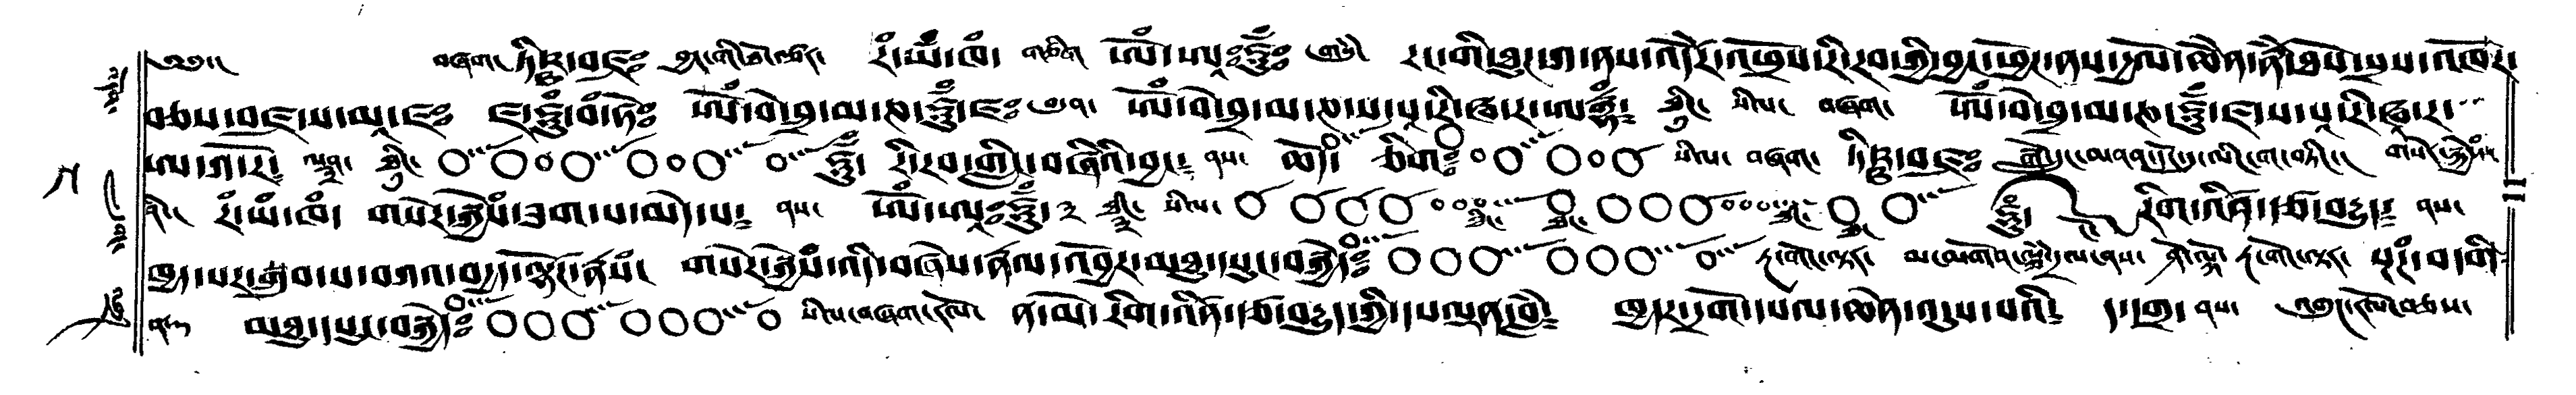༡༡༽ བཞག ཏིཥྛ་བཛྲ། བྱང་གི་ཐོ་རྩར། རཾ་ཡཾ་ཁཾ། ཨོཾ་ཨཱཿཧཱུྃ། རང་གི་ཐུགས་ནས་འོད་ཟེར་འཕྲོས་རི་རབ་ཀྱི་བྱང་ཕྱོགས་ནས་རྒྱལ་པོ་ཆེན་པོ་རྣམ་ཐོས་སྲས་འཁོར་
བཅས་བཛྲ་ས་མཱ་ཛཿ ཛ་ཧཱུཾ་བཾ་ཧོཿ ཨོཾ་བེ་ཤྲ་མ་ཎ་ཧཱུྃ་ཛཿ ལན་བདུན། ཨོཾ་བེ་ཤྲ་མ་ཎ་ས་པཱ་རི་ཝ་ར་ཨརྒྷཾ༴ ཐིང་གཅིག ཟིལ། འཇོག་རོལ། ཨོཾ་བེ་ཤྲ་མ་ཎ་ཧཱུྃ་ཛ་ས་པཱ་རི་ཝཱ་ར་
ཨ་ཀ་རོ༴ལན་གསུམ། ཐིང་གཅིག ཧཱུྃ། རི་རབ་གླིང་བཞིའི་བྱང༴ ནས། ཆོད་ཅིག ཟིལ། འཇོག་རོལ། ཏིཥྛ་བཛྲ། སྒོ་དྲུང་མནན་དོང་དུ་ལིང་ག་བཏིང་། གསེར་སྐྱེམས་
ནི། རཾ་ཡཾ་ཁཾ། གསེར་སྐྱེམས་ཟག་པ་མེད་པ༴ ནས། ཨོཾ་ཨཱཿཧཱུྃ། ལན་གསུམ། ཐིང་གསུམ། ཟིལ། ཐིང་། ཐང་། ཐིང་། ཐང་། ཧཱུཾ། ངོ་། རིག་འཛིན་རྩ་བརྒྱུད༴ ནས། 
ཁྱད་པར་སྒྲུབ་པ་བཀའ་བརྒྱད་ལྷ་ཚོགས་རྣམས། །གསེར་སྐྱེམས་འདི་བཞེས་རྣལ་འབྱོར་མཐུ་དཔུང་སྐྱེད། ། རྔ་གོང་ལྟར་། མ་མགོན་ལྕམ་དྲལ་ནས། ཤོ་ལོ་ཀ རྔ་གོང་ལྟར། སྔགས་འཆང་བདག་གི༴ 
ནས། མཐུ་དཔུང་སྐྱེད། ། ཟིལ་འཇོག་རོལ། ན་མོ། རིག་འཛིན་རྩ་བརྒྱུད་ཀྱི་དཔལ་ལྡན་བླ་མ༴ ཁྱད་པར་དྲག་པོ་དཔལ་ཆེན་འདུས་པའི༴ ད་དགྲ་ནས། འགུགས་རོལ་བཅས་